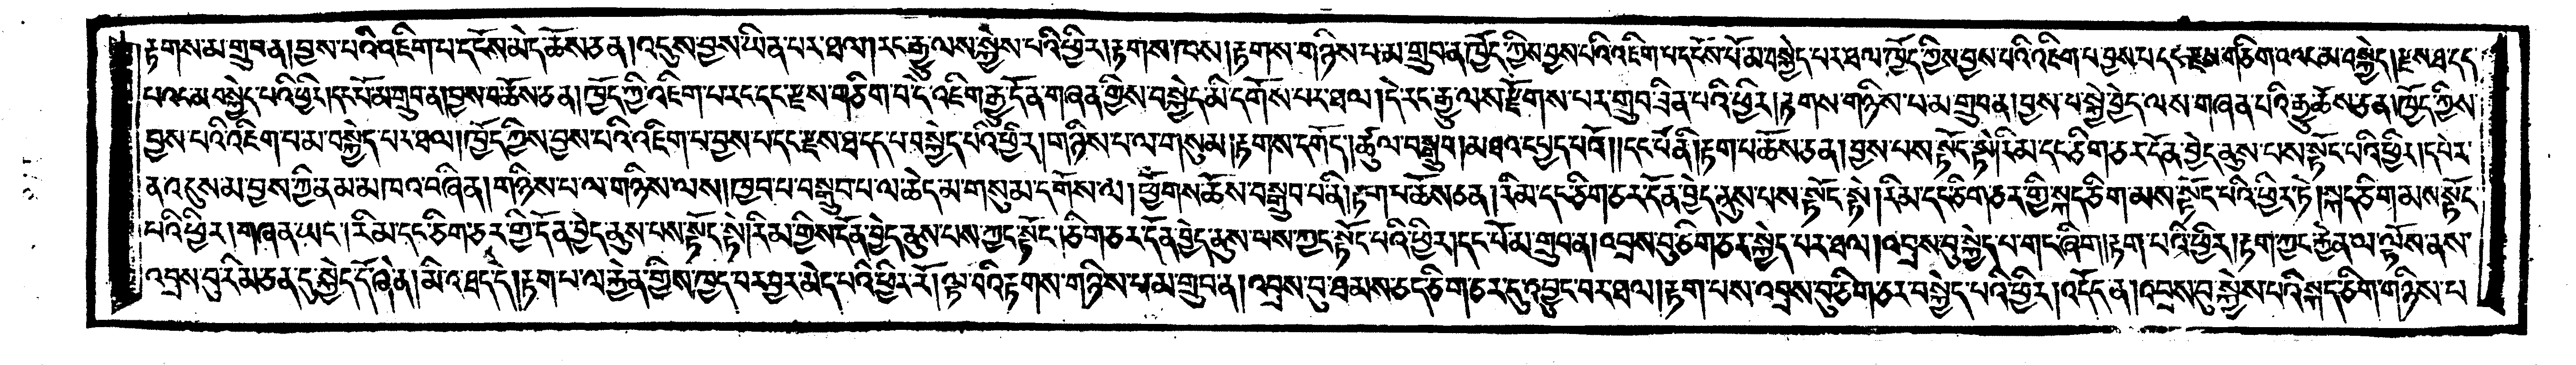རྟགས་མ་གྲུབ་ན། བྱས་པའི་འཇིག་པ་དངོས་མེད་ཆོས་ཅན། འདུས་བྱས་ཡིན་པར་ཐལ། རང་རྒྱུ་ལས་སྐྱེས་པའི་ཕྱིར། རྟགས་ཁས། རྟགས་གཉིས་པ་མ་གྲུབ་ན་ཁྱོད་ཀྱིས་བྱས་པའི་འཇིག་པ་དངོས་པོ་མ་བསྐྱེད་པར་ཐལ། ཁྱོད་ཀྱིས་བྱས་པའི་འཇིག་པ་བྱེད་པ་དང་རྫས་གཅིག་པའང་མ་བསྐྱེད། རྫས་ཐ་དང་
པའང་མ་བསྐྱེད་པའི་ཕྱིར། དང་པོ་མ་གྲུབ་ན། བྱས་པ་ཆོས་ཅན། ཁྱོད་ཀྱི་འཇིག་པ་རང་དང་རྫས་གཅིག་པ་དེ་འཇིག་རྒྱུ་དོན་གཞན་གྱིས་བསྐྱེད་མི་དགོས་པར་ཐལ། དེ་རང་རྒྱུ་ལས་རྫོགས་པར་གྲུབ་ཟིན་པའི་ཕྱིར། རྟགས་གཉིས་པ་མ་གྲུབ་ན། བྱས་པ་སྐྱེ་བྱེད་ལས་གཞན་པའི་རྒྱུ་ཆོས་ཅན། ཁྱོད་ཀྱིས་
བྱས་པའི་འཇིག་པ་མ་བསྐྱེད་པར་ཐལ། ཁྱོད་ཀྱིས་བྱས་པའི་འཇིག་པ་བྱས་པ་དང་རྫས་ཐ་དད་པ་བསྐྱེད་པའི་ཕྱིར། གཉིས་པ་ལ་གསུམ། རྟགས་དགོད། ཆུལ་བསྒྲུབ། མཐའ་དཔྱད་པའོ། །དང་པོ་ནི། རྟག་པ་ཆོས་ཅན། བྱས་པས་སྟོང་སྟེ། རིམ་དང་ཅག་ཅར་དོན་བྱེད་ནུས་པས་སྟོང་པའི་ཕྱིར། དཔེར་
ན་འདུས་མ་བྱས་ཀྱི་ནམ་མཁའི་བཞིན། གཉིས་པ་ལ་གཉིས་ལས། ཁྱབ་པ་བསྒྲུབ་པ་ལ་ཆེད་མ་གསུམ་དགོས་ལ། ཕྱོགས་ཆོས་བསྒྲུབ་པ་ནི། རྟགས་པ་ཆོས་ཅན། རིམ་དང་ཅིག་ཅར་དོན་བྱེད་ནུས་པས་སྟོང་སྟེ། རིམ་དང་ཅིག་ཅར་གྱི་སྐད་ཅིག་མས་སྟོང་པའི་ཕྱིར་ཏེ། སྐད་ཅིག་མས་སྟོང་
པའི་ཕྱིར། གཞན་ཡང་། རིམ་དང་ཅིག་ཅར་གྱི་དོན་བྱེད་ནུས་པ་སྟོང་སྟེ། རིམ་གྱིས་དོན་བྱེད་ནུས་པས་ཀྱང་སྟོང་། ཅིག་ཅར་དོན་བྱེད་ནུས་པས་ཀྱང་སྟོང་པའི་ཕྱིར། དང་པོ་མ་གྲུབ་ན། འབྲས་བུ་ཅིག་ཅར་སྐྱེད་པར་ཐལ། འབྲས་བུ་སྐྱེད་པ་གང་ཞིག། རྟག་པའི་ཕྱིར། རྟག་ཀྱང་རྐྱེན་ལ་ལྟོས་ནས་
འབྲས་བུ་རིམ་ཅན་དུ་སྐྱེད་དོ་ཞེ་ན། མི་འཐད་དེ། རྟག་པ་ལ་རྐྱེན་གྱིས་ཁྱད་པར་བྱར་མེད་པའི་ཕྱིར་རོ། །རྩ་བའི་རྟགས་གཉིས་པ་མ་གྲུབ་ན། འབྲས་བུ་ཐམས་ཅད་ཅིག་ཅར་དུ་འབྱུང་བར་ཐལ། རྟག་བས་འབྲས་བུ་ཅིག་ཅར་བསྐྱེད་པའི་ཕྱིར། འདོད་ན། འབྲས་བུ་སྐྱེས་པའི་སྐད་ཅིག་གཉིས་པ་